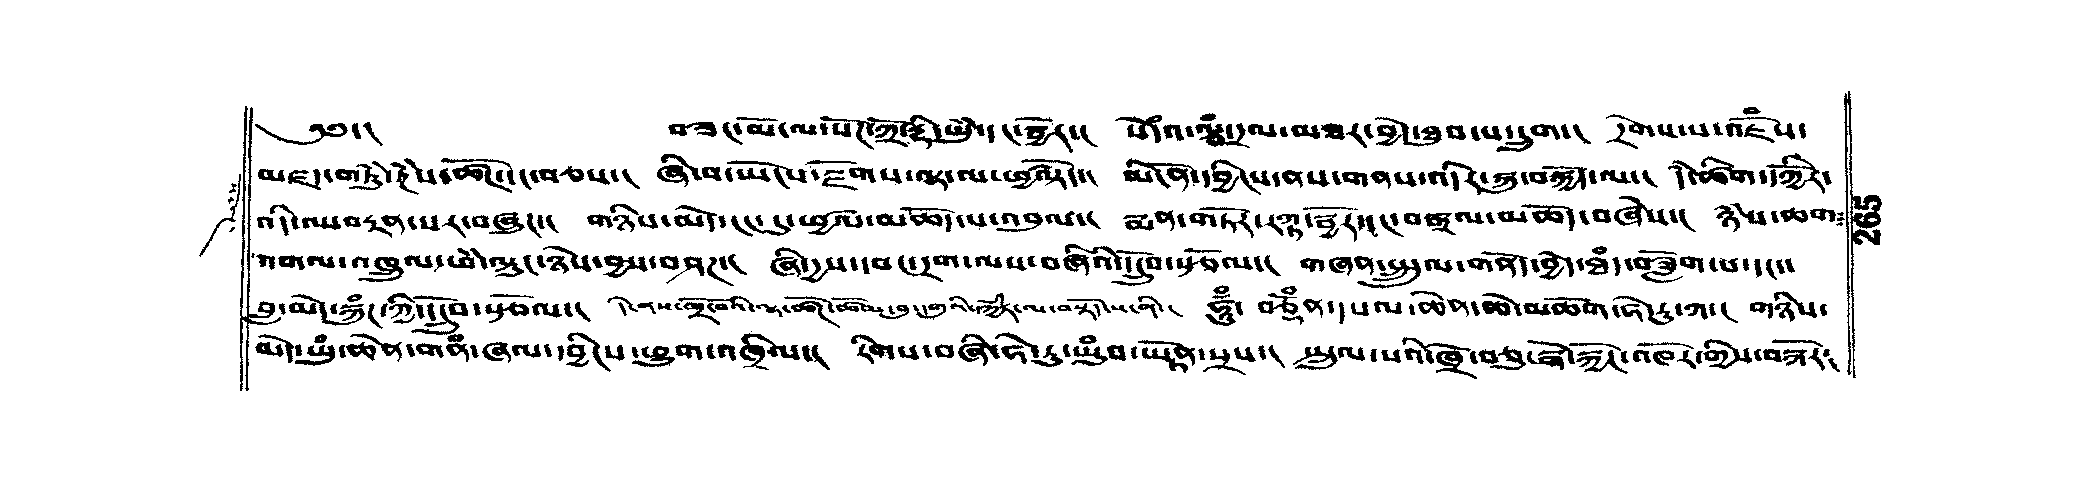བཟང་མོ་ལ་སོགས་ཀྲོ་དྷི་ཡུམ་དང་སྦྱོར། །སེམས་དཔལ་ལྕམ་དྲལ་མཐར་བྱེད་ཐུབ་པ་དྲུག་།དྲེགས་པ་འཇོམས་
མཛད་གཏུམ་རྔམས་ཚོགས་དང་བཅས། །ཞི་བ་ཡོངས་རྫོགས་ལྷ་ལ་ཕྱག་འཚལ་བསྟོད། །མི་མངོན་དབྱིངས་ནས་གནས་འདིར་སྐུ་བསྐྱོད་ལ། །དམ་ཚིག་དཀྱིལ་འཁོར་
འདི་ལ་བརྟན་པར་བཞུགས། །གཉིས་མེད་ངང་དུ་ཕྱག་འཚལ་མཆོད་པ་འབུལ། །སྨན་གཏོར་རཀྟ་སྦྱོར་དང་བསྒྲལ་མཆོད་བཞེས། །ཉམས་ཆགས་
འགལ་འཁྲུལ་ཕམ་ལྟུང་ཉེས་བྱས་བཤགས། །ཞི་རྒྱས་དབང་དྲག་ལས་བཞིའི་དངོས་གྲུབ་སྩོལ། །གཞན་སྤྲུལ་གནོད་བྱེད་ཐམས་ཅད་བཟློག་པ་དང་། །
བླ་མེད་སྐུ་གསུང་ཐུགས་ཀྱི་དངོས་གྲུབ་སྩོལ། ། དེ་ནས་ཁྲོ་བོའི་ལྷ་ཚོགས་ཚོམ་བུ་དགུའི་དཀྱིལ་འཁོར་ལ་བསྟོད་པ་ནི། ཧཱུྃ། བཅོམ་ལྡན་དཔལ་ཆེན་ཆེ་མཆོག་ཧེ་རུ་ཀ། །གཉིས་
མེད་ཡུམ་ཆེན་གནམ་ཞལ་དབྱིངས་ཕྱུག་འཁྲིལ། །རིགས་བཞི་ཧེ་རུ་ཡབ་ཡུམ་ཡོན་ཏན་བཅས། །སྤྲུལ་པའི་ཁྲོ་བཅུ་སྒོ་སྐྱོང་འཁོར་གྱིས་བསྐོར། །